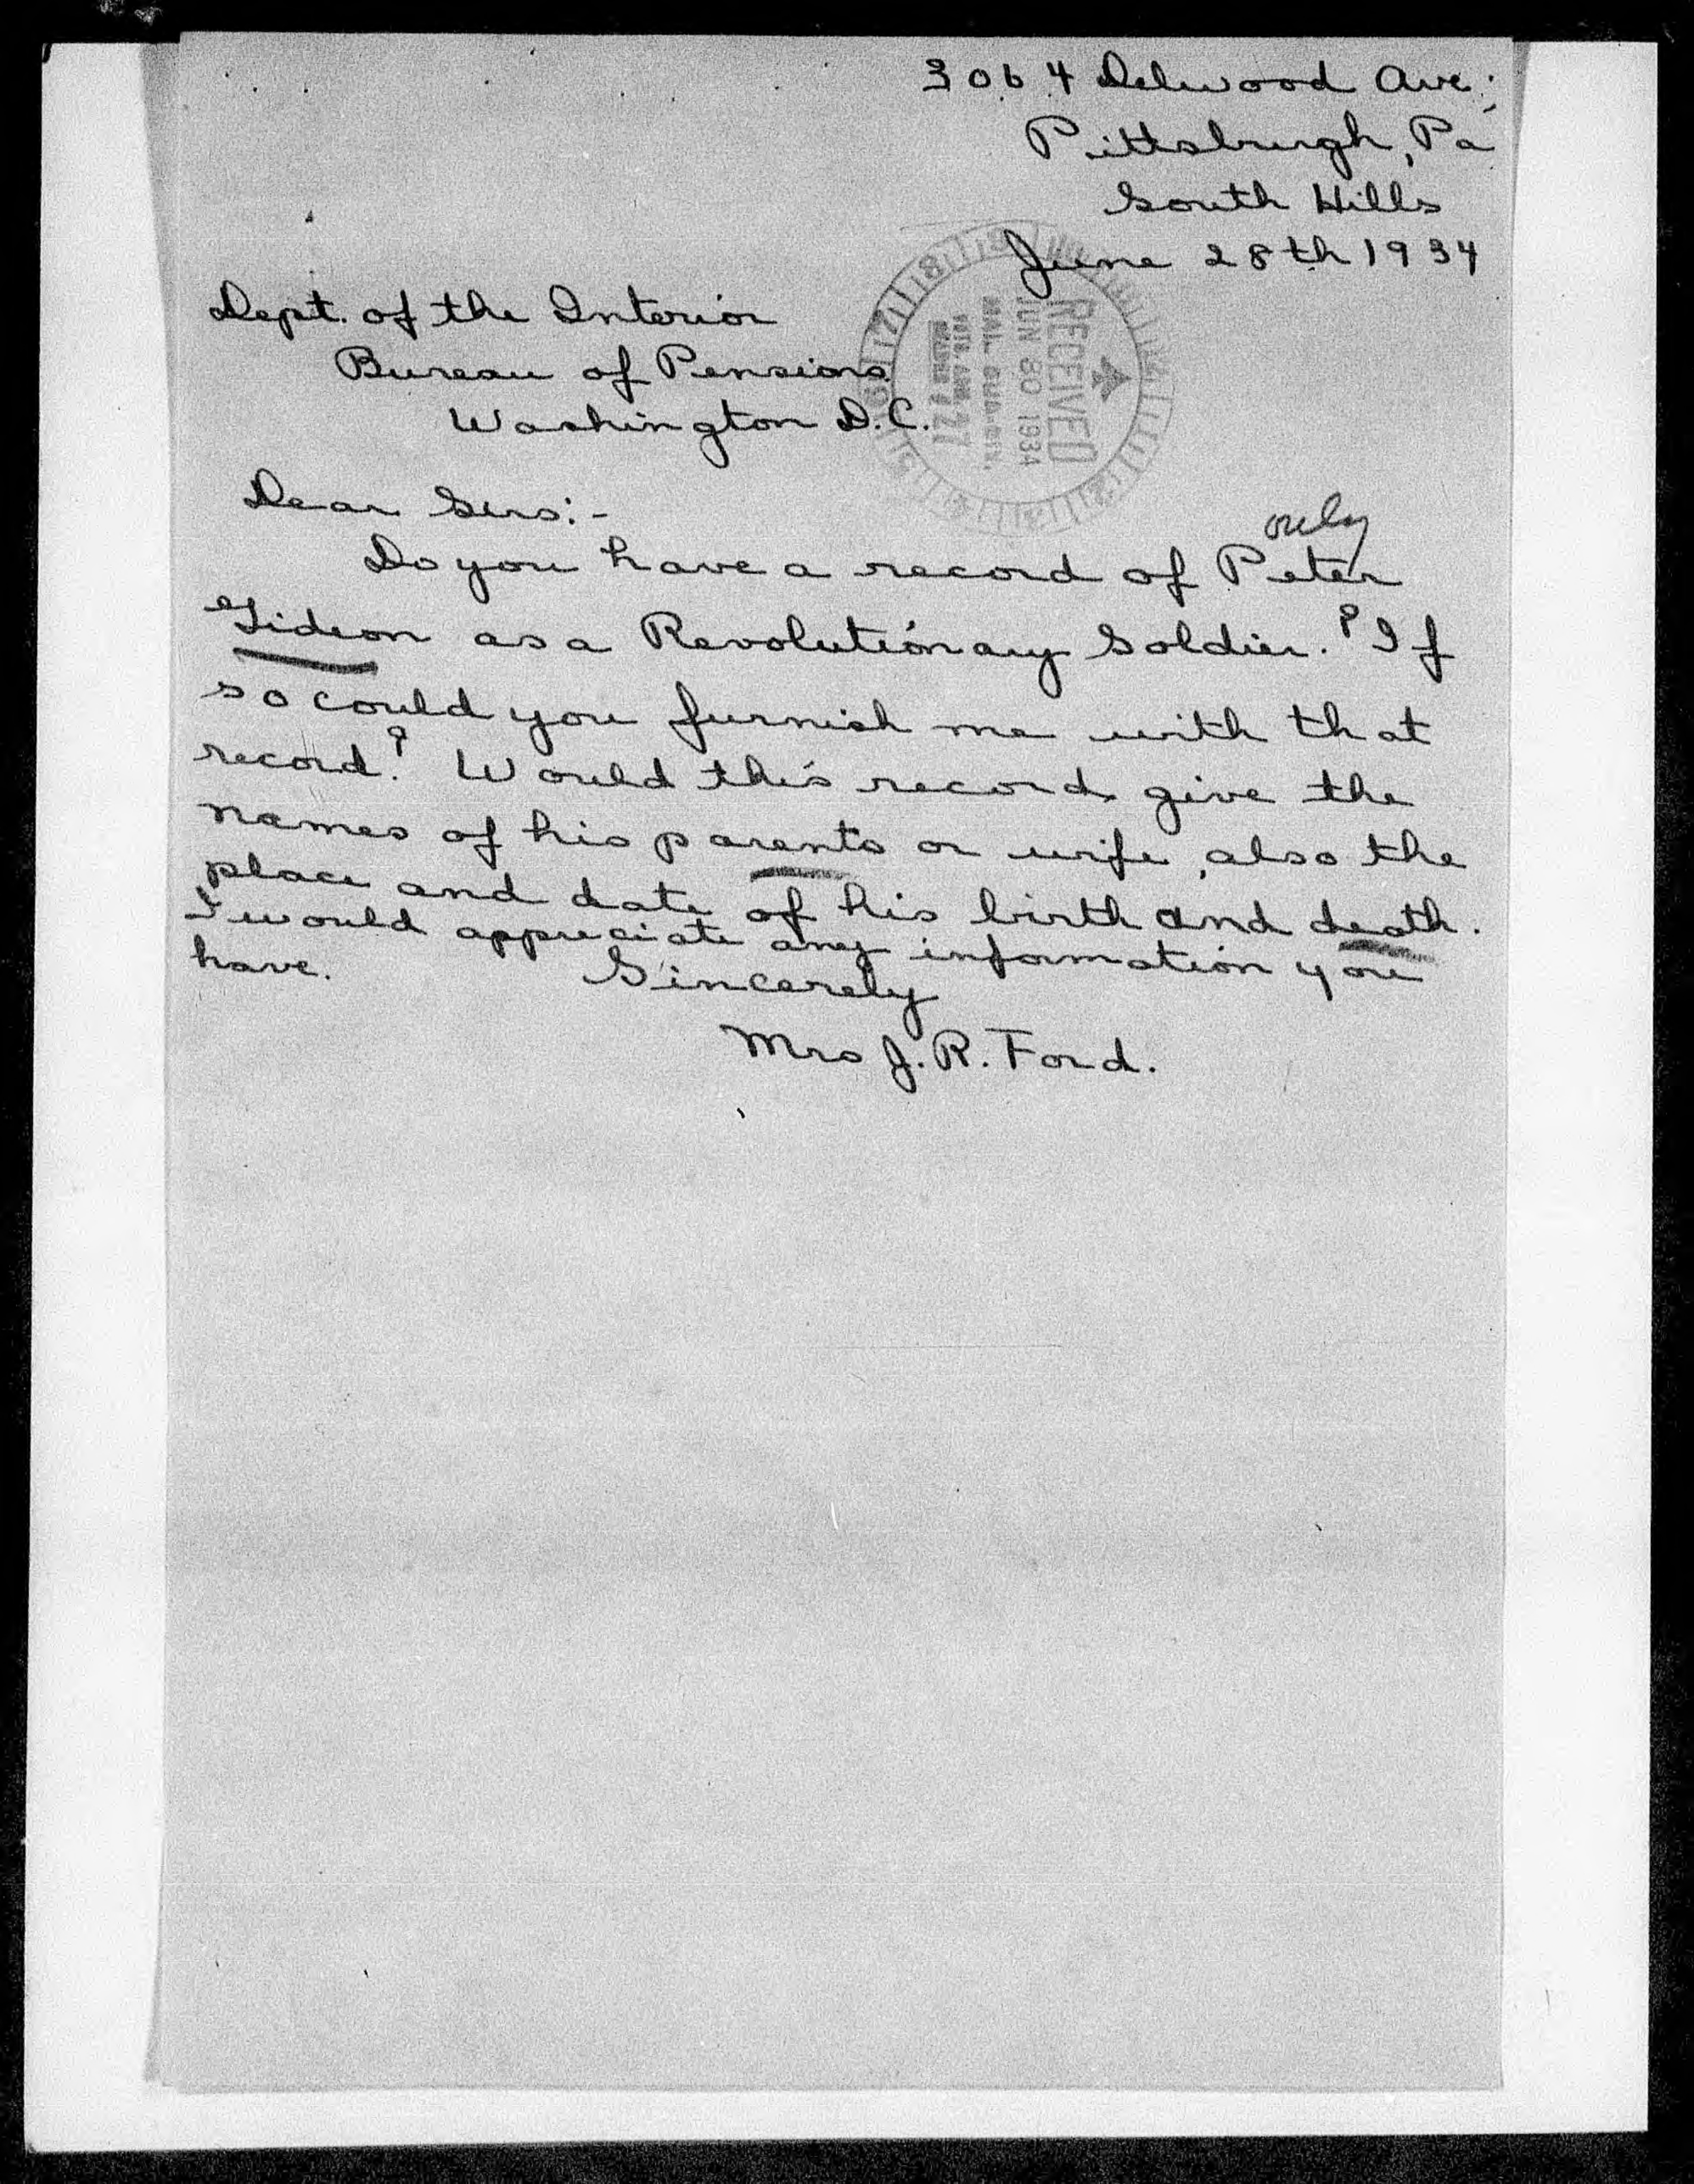306 4 Delwood Ave
Pittsburgh Pa
South Hills
June 28th 1934

Dept of the Interior
Bureau of Pension
Washington D.C.

[stamped received June 30 1934]

Dear Sirs,
Do you have a record of Peter
Gideon as a Revolutionary soldier?  If so could
you furnish me with that Record?
Would this record give the
names of his parents or wife also the
place and date would have of his birth and death?
I would appreciate any information you have.
Sincerely
Mrs J. R. Ford.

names: J R Ford, Peter Gideon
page: 45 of 64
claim: survivor's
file: S. 6887, Peter Gideon, Md.